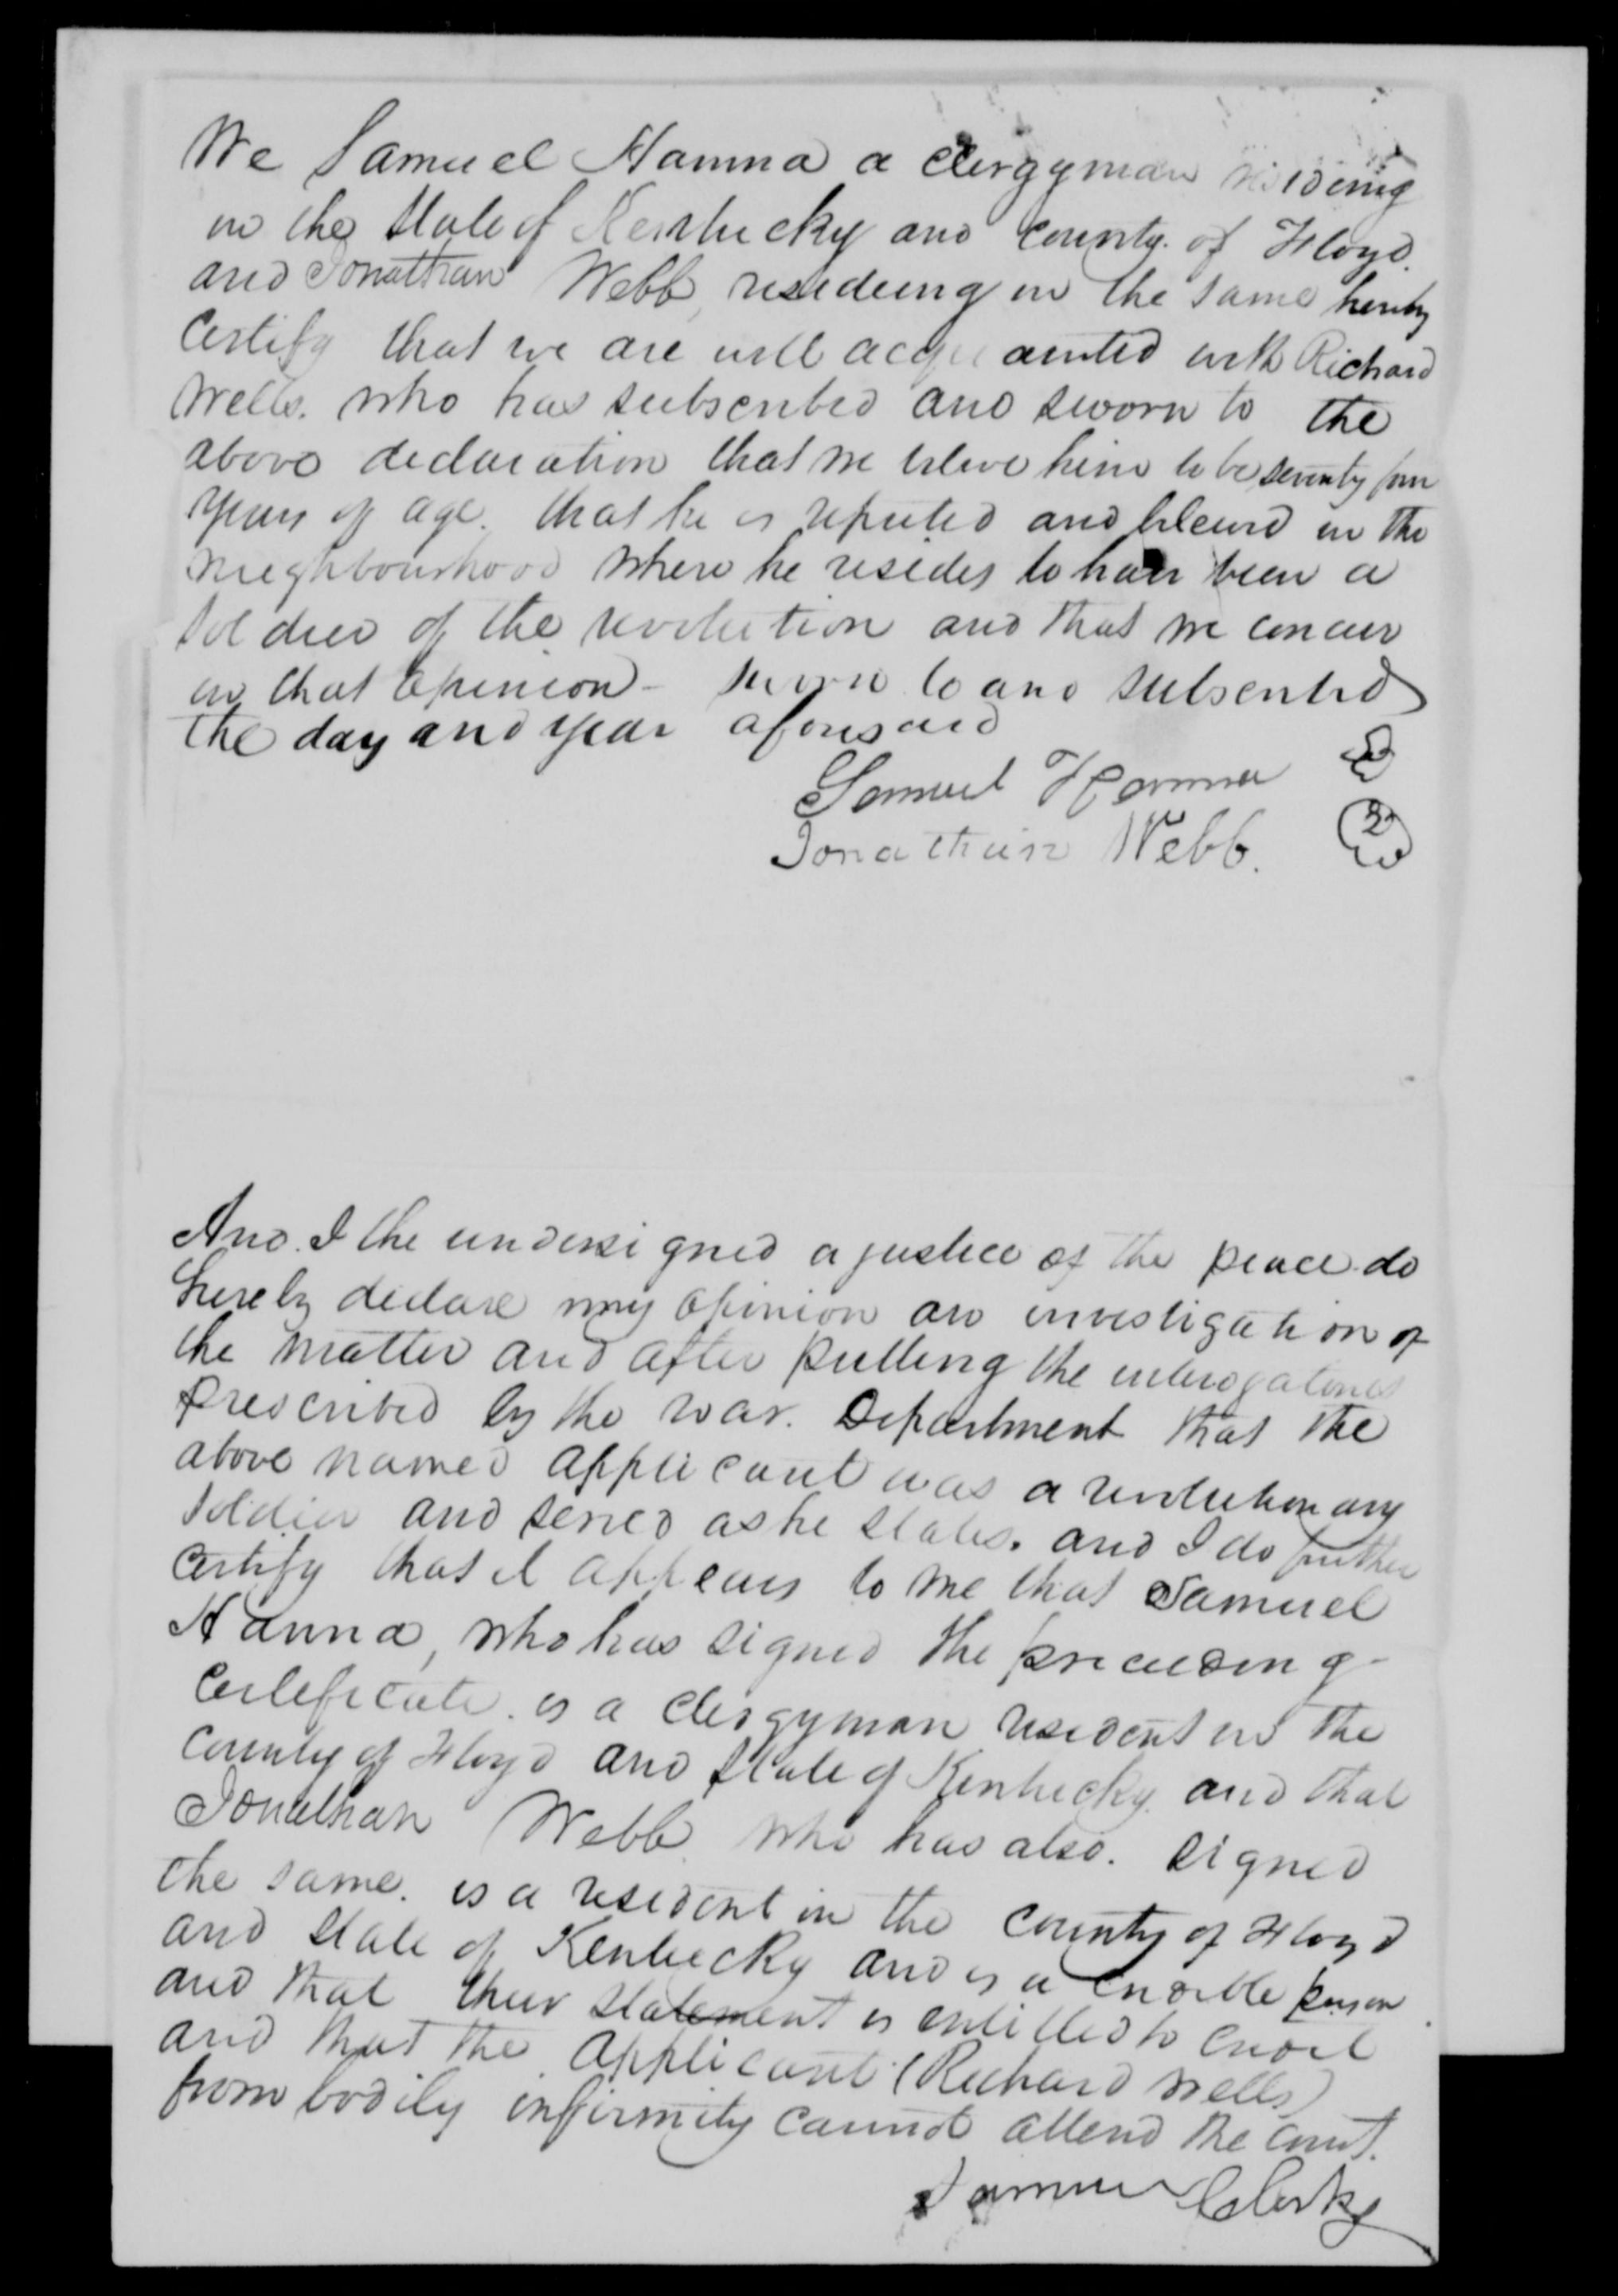We Samuel Hanna a clergyman residing
in the State of Kentucky and County of Floyd
and Jonathan Webb residing in the same hereby
certify that we are well acquainted with Richard
Wells, who has subscribed and sworn to the
above declaration, that we believe him to be seventy four
years of age, that he is reputed and believed in the
neighbourhood where he resides to have been a
soldier of the revolution and that we concur
in that Opinion. Sworn to and subscribed
the day and year aforesaid
Samuel Hanna
Jonathan Webb

And I the undersigned a Justice of the peace do
hereby declare my opinion an investigation of
the matter and after putting the interrogatories
prescribed by the war Department, that the
above named applicant was a revolutionary
soldier and served as he states, and I do further
certify that it appears to me that Samuel
Hanna, who has signed the preceeding certificate
is a Clergyman resident in the County of Floyd and
 State of Kentucky and that
Jonathan Webb who has also signed
the same is a resident in the County of Floyd
and State of Kentucky and is noble person
and that their statement is entitled to credit.
And that the applicant (Richard Wells) 
from bodily infirmity cannot attend the court.
Samuel Clarke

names: Jonathan Webb, Richard Wells, Samuel Hamna, Samuel Hanna, Samuel Clerky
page: 80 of 100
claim: widow's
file: W. 6437, Richard Wells, Ga Va.